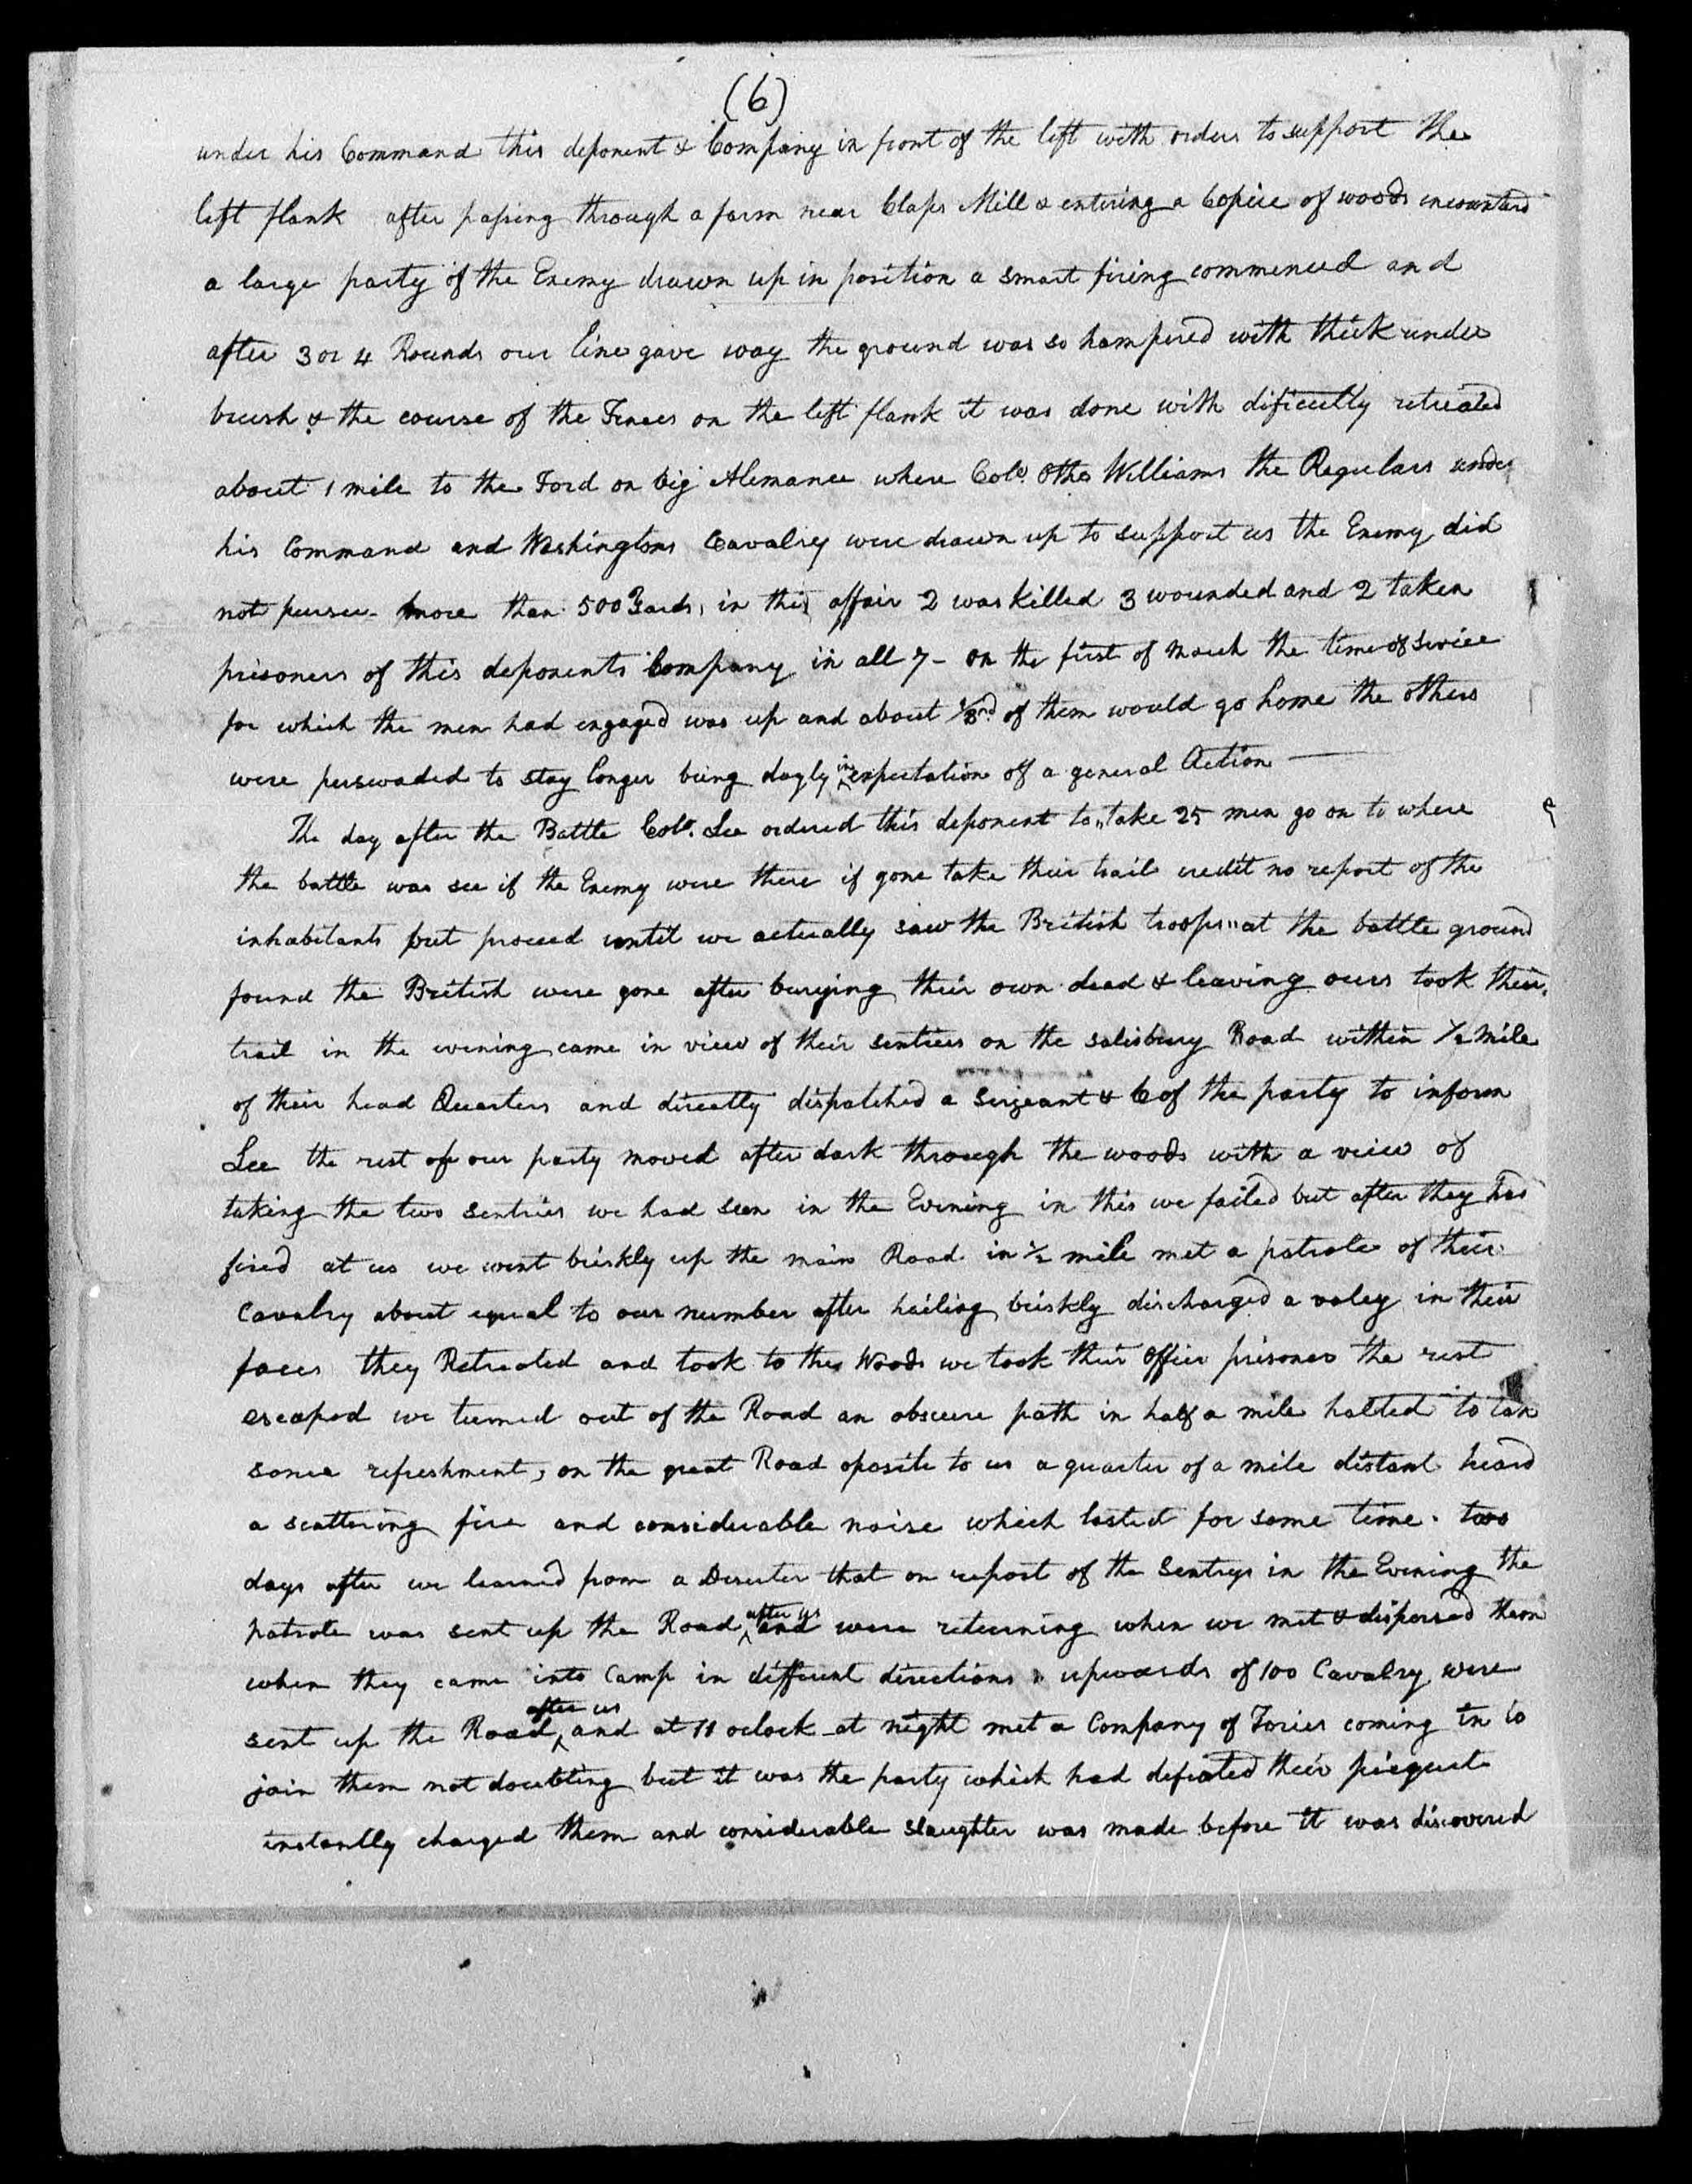(6)
under his command this deponent & company in front of them left with orders to support the left flank after passing through a farm near Class Mill & entering a Copse of woods encounted a large party of Enemy drawn up in position a smart firing commenced and after 3 or 4 rounds our line gave way the ground was so hampered with thick underbrush & the course of the Fences on the left flank it was done with difficulty retreated about 1 mile to the Ford on Big Alamance where Col. Otho Williams the Regulars under his command and Washington's Cavalry were drawn up to support as the Enemy did not pursue more than 500 yards in this affair 2 was killed 3 wounded and 2 taken prisoners of this deponent's company in all 7 - on the first of March the time of service for which the men had engaged was up and about 1/3rd of them would go home the others wee persuaded to stay longer being dayly in expectation of a general action-----------------

The day after the Battle Col. Lee ordered this deponent to take 25 men go on to where the battle was see if the Enemy were there if gone take their trail credit no report of the inhabitants but proceed until we actually saw the British troops at the battle ground found the British were gone after burying their own dead & leaving ours took their trail in the evening came in view of their sentries on the Salisbury Road within 1/2 mile of their head Quarters and directly dispatched a sergeant & 6 of the party to inform Lee the rest of our party moved aftre dark through the woods with a view of taking the two sentries we had seen in the Evening in this we failed but after they had fired at us we went briskly up the main road in 1/2 mile met a patrole of their Cavalry about equal to our number after hailing briskly discharged a volley in their faces they Retreated and took to the woods we took their officer prisoner the rest escaped we turned out of the road an obscure path in half a mile halted to take some refreshments on the great Road opposite to us a quarter of a mile distant heard a scattering fire and considerable noise which lasted for some time. two days after we learned from a Deserter that on report of the Sentries in the evening the patrole was sent up the road after us and were returning when we met & disposed them when they came in to camp in different directions & upwards of 100 were sent up the road after us and at 11 oclock at night met a company of  Tories coming in to join them not doubting but it was the party which had defeated their picquet instantly charged them and considerable slaughter was made before it was discovered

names: Alemance, Otho Williams, Lee, Lee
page: 8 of 55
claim: survivor's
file: S. 6,937, Joseph Graham, N.C.